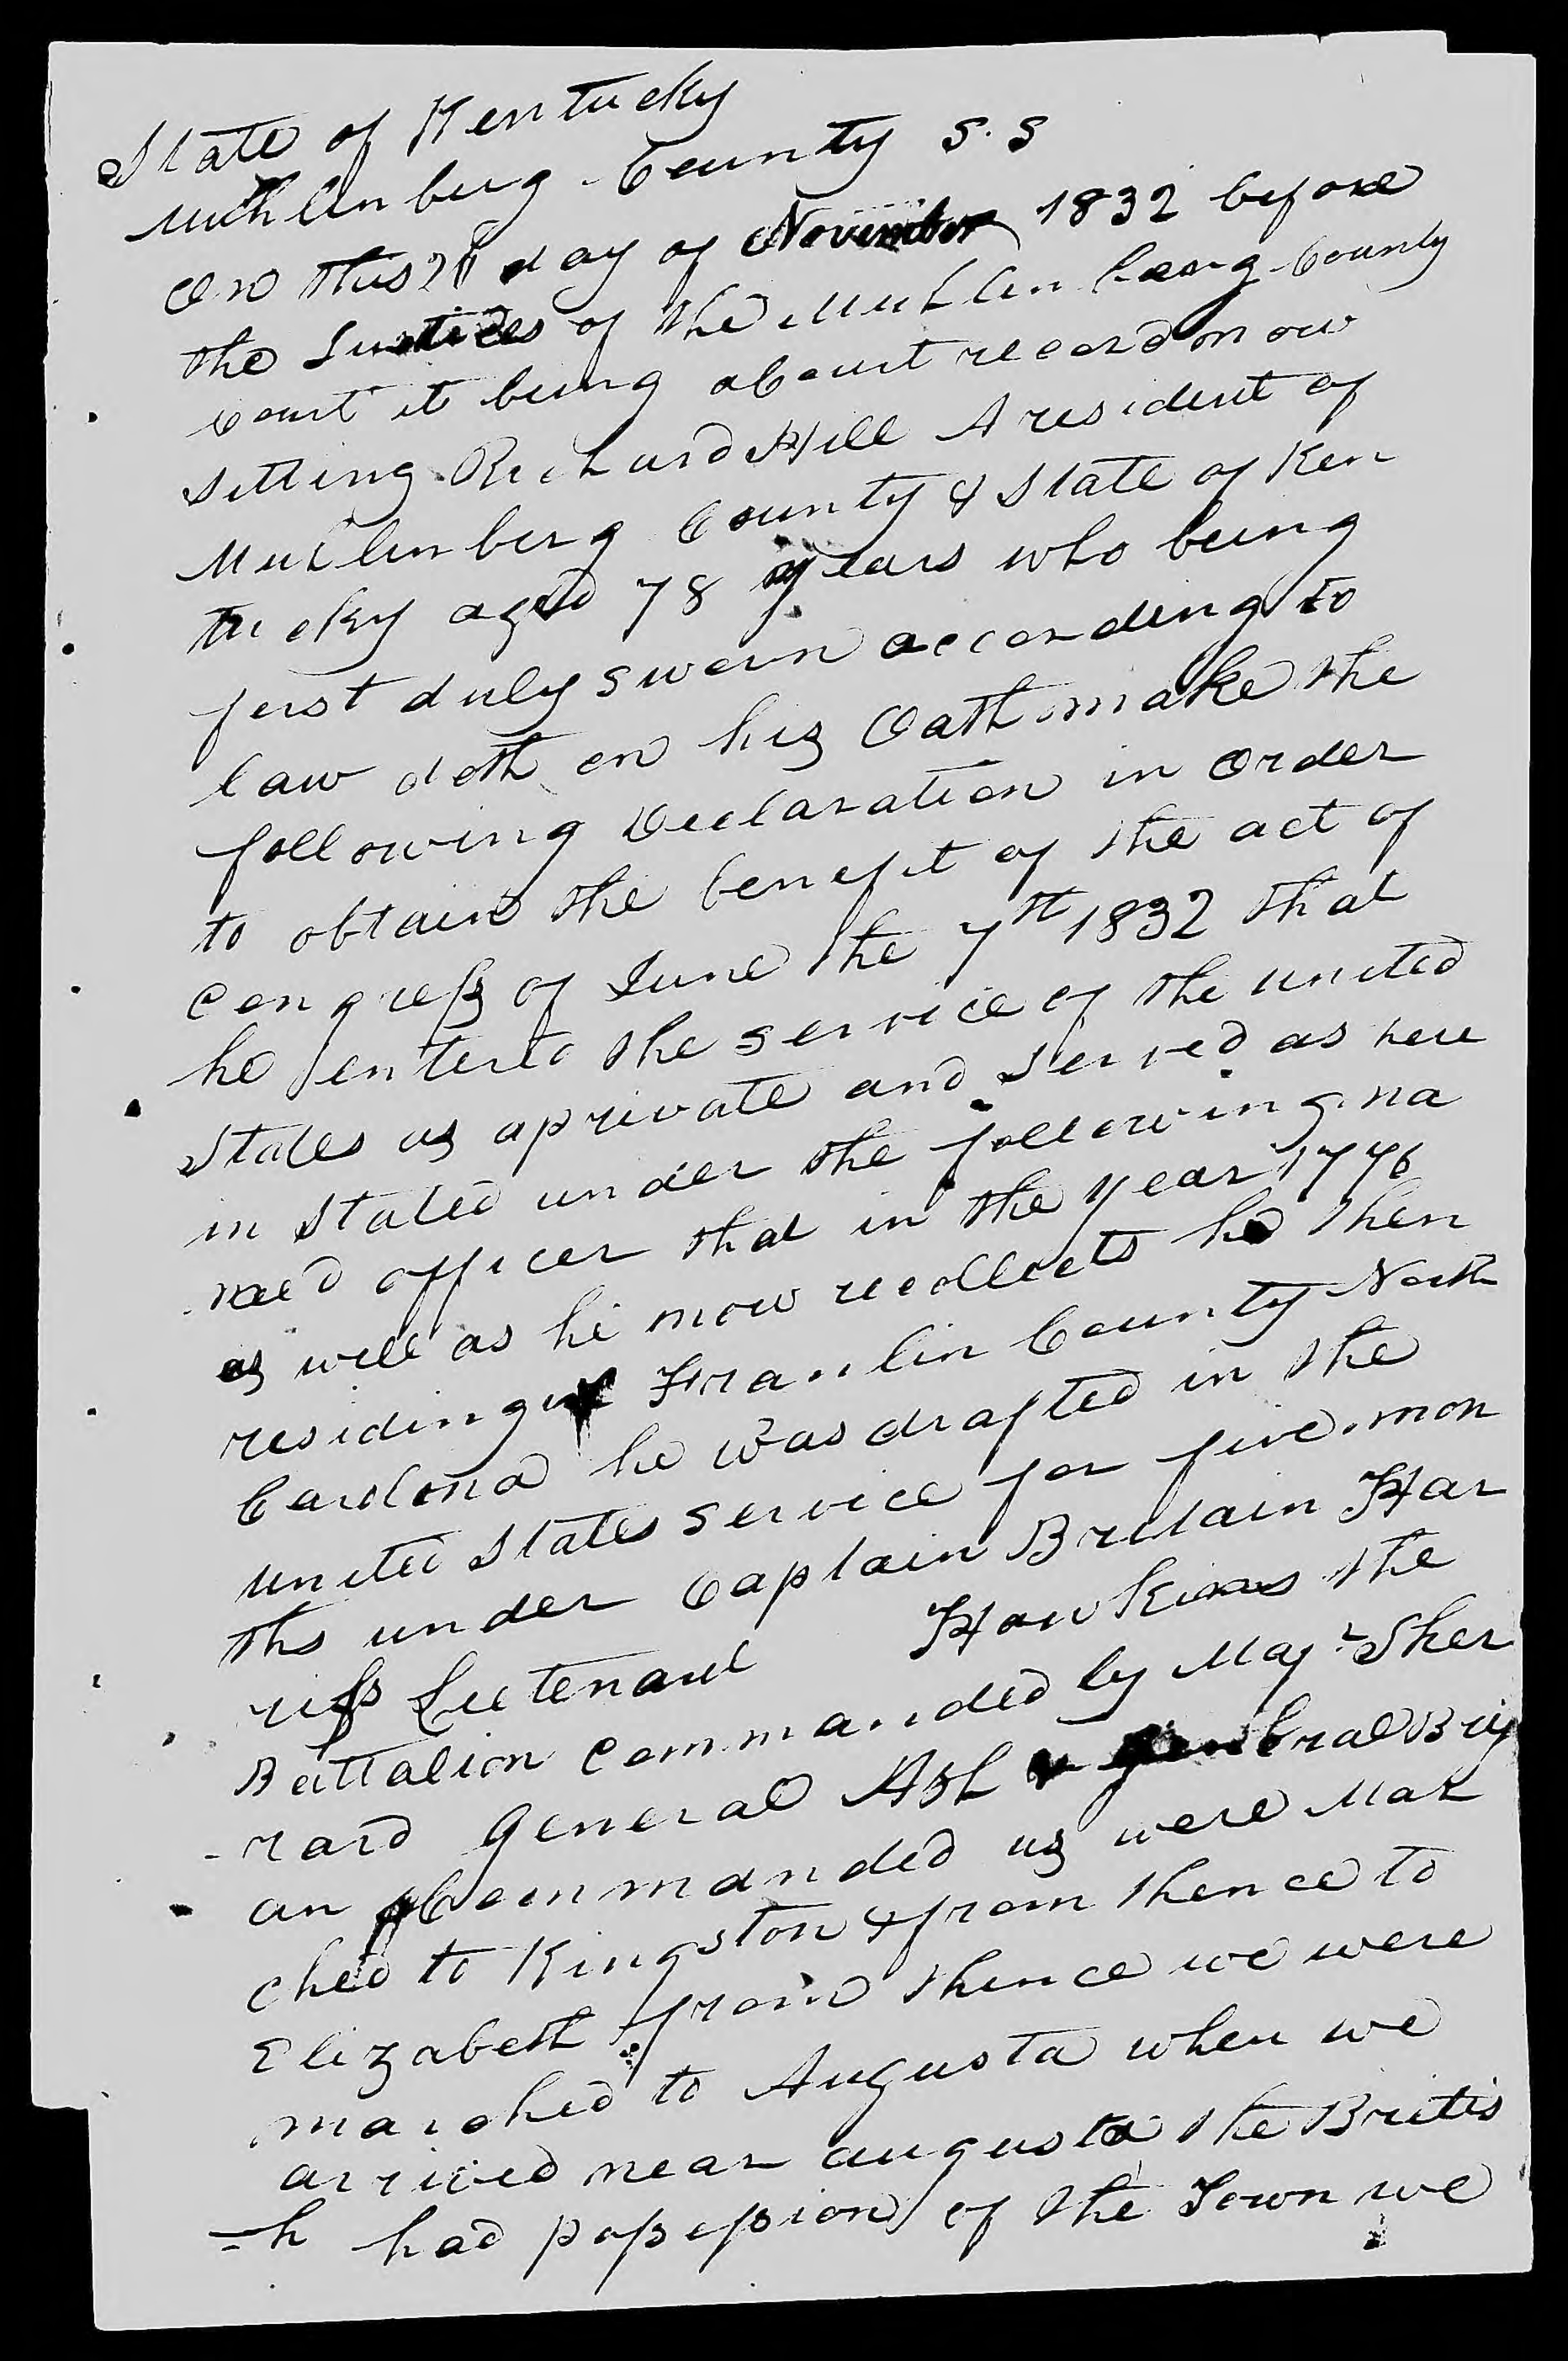State of Kentucky
Muhlenberg County S.S. 
On this 26 day of November 1832 before the Justices of the Muhlenberg County Court it being a Court of record now sitting Richard Hill a resident of Muhlenberg County & State of Kentucky aged 78 years who being first duly sworn according to law doth on his oath make the following Declarations in order to obtain the benefit of the act of Congress of June the 7th 1832 that he entered the service of the United States as a private and served as herein stated under the following named officer that in the year 1776 and as well as he now recollects he then residing in Franklin County North Carolina he was drafted in the United States service for five months under Captain Britain Harris [Britton Harris] Lieutenant __ Hawkins the Battalion Commanded by Maj [Major] Sherrard General Ash [John Ashe] & General Bryan [William Bryant] Commanded us [to] were [delete] marched [march] to Kingston [Kinston] & from thence to Elizabeth Town thence we were marched to Augusta when we arrived near Augusta the British had possession of the Town we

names: Richard Hill, Hawkins, Elizabeth, Britain Harriss, Sherrard, Ash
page: 2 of 27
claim: rejected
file: R. 5006, Richard Hill, N.C.